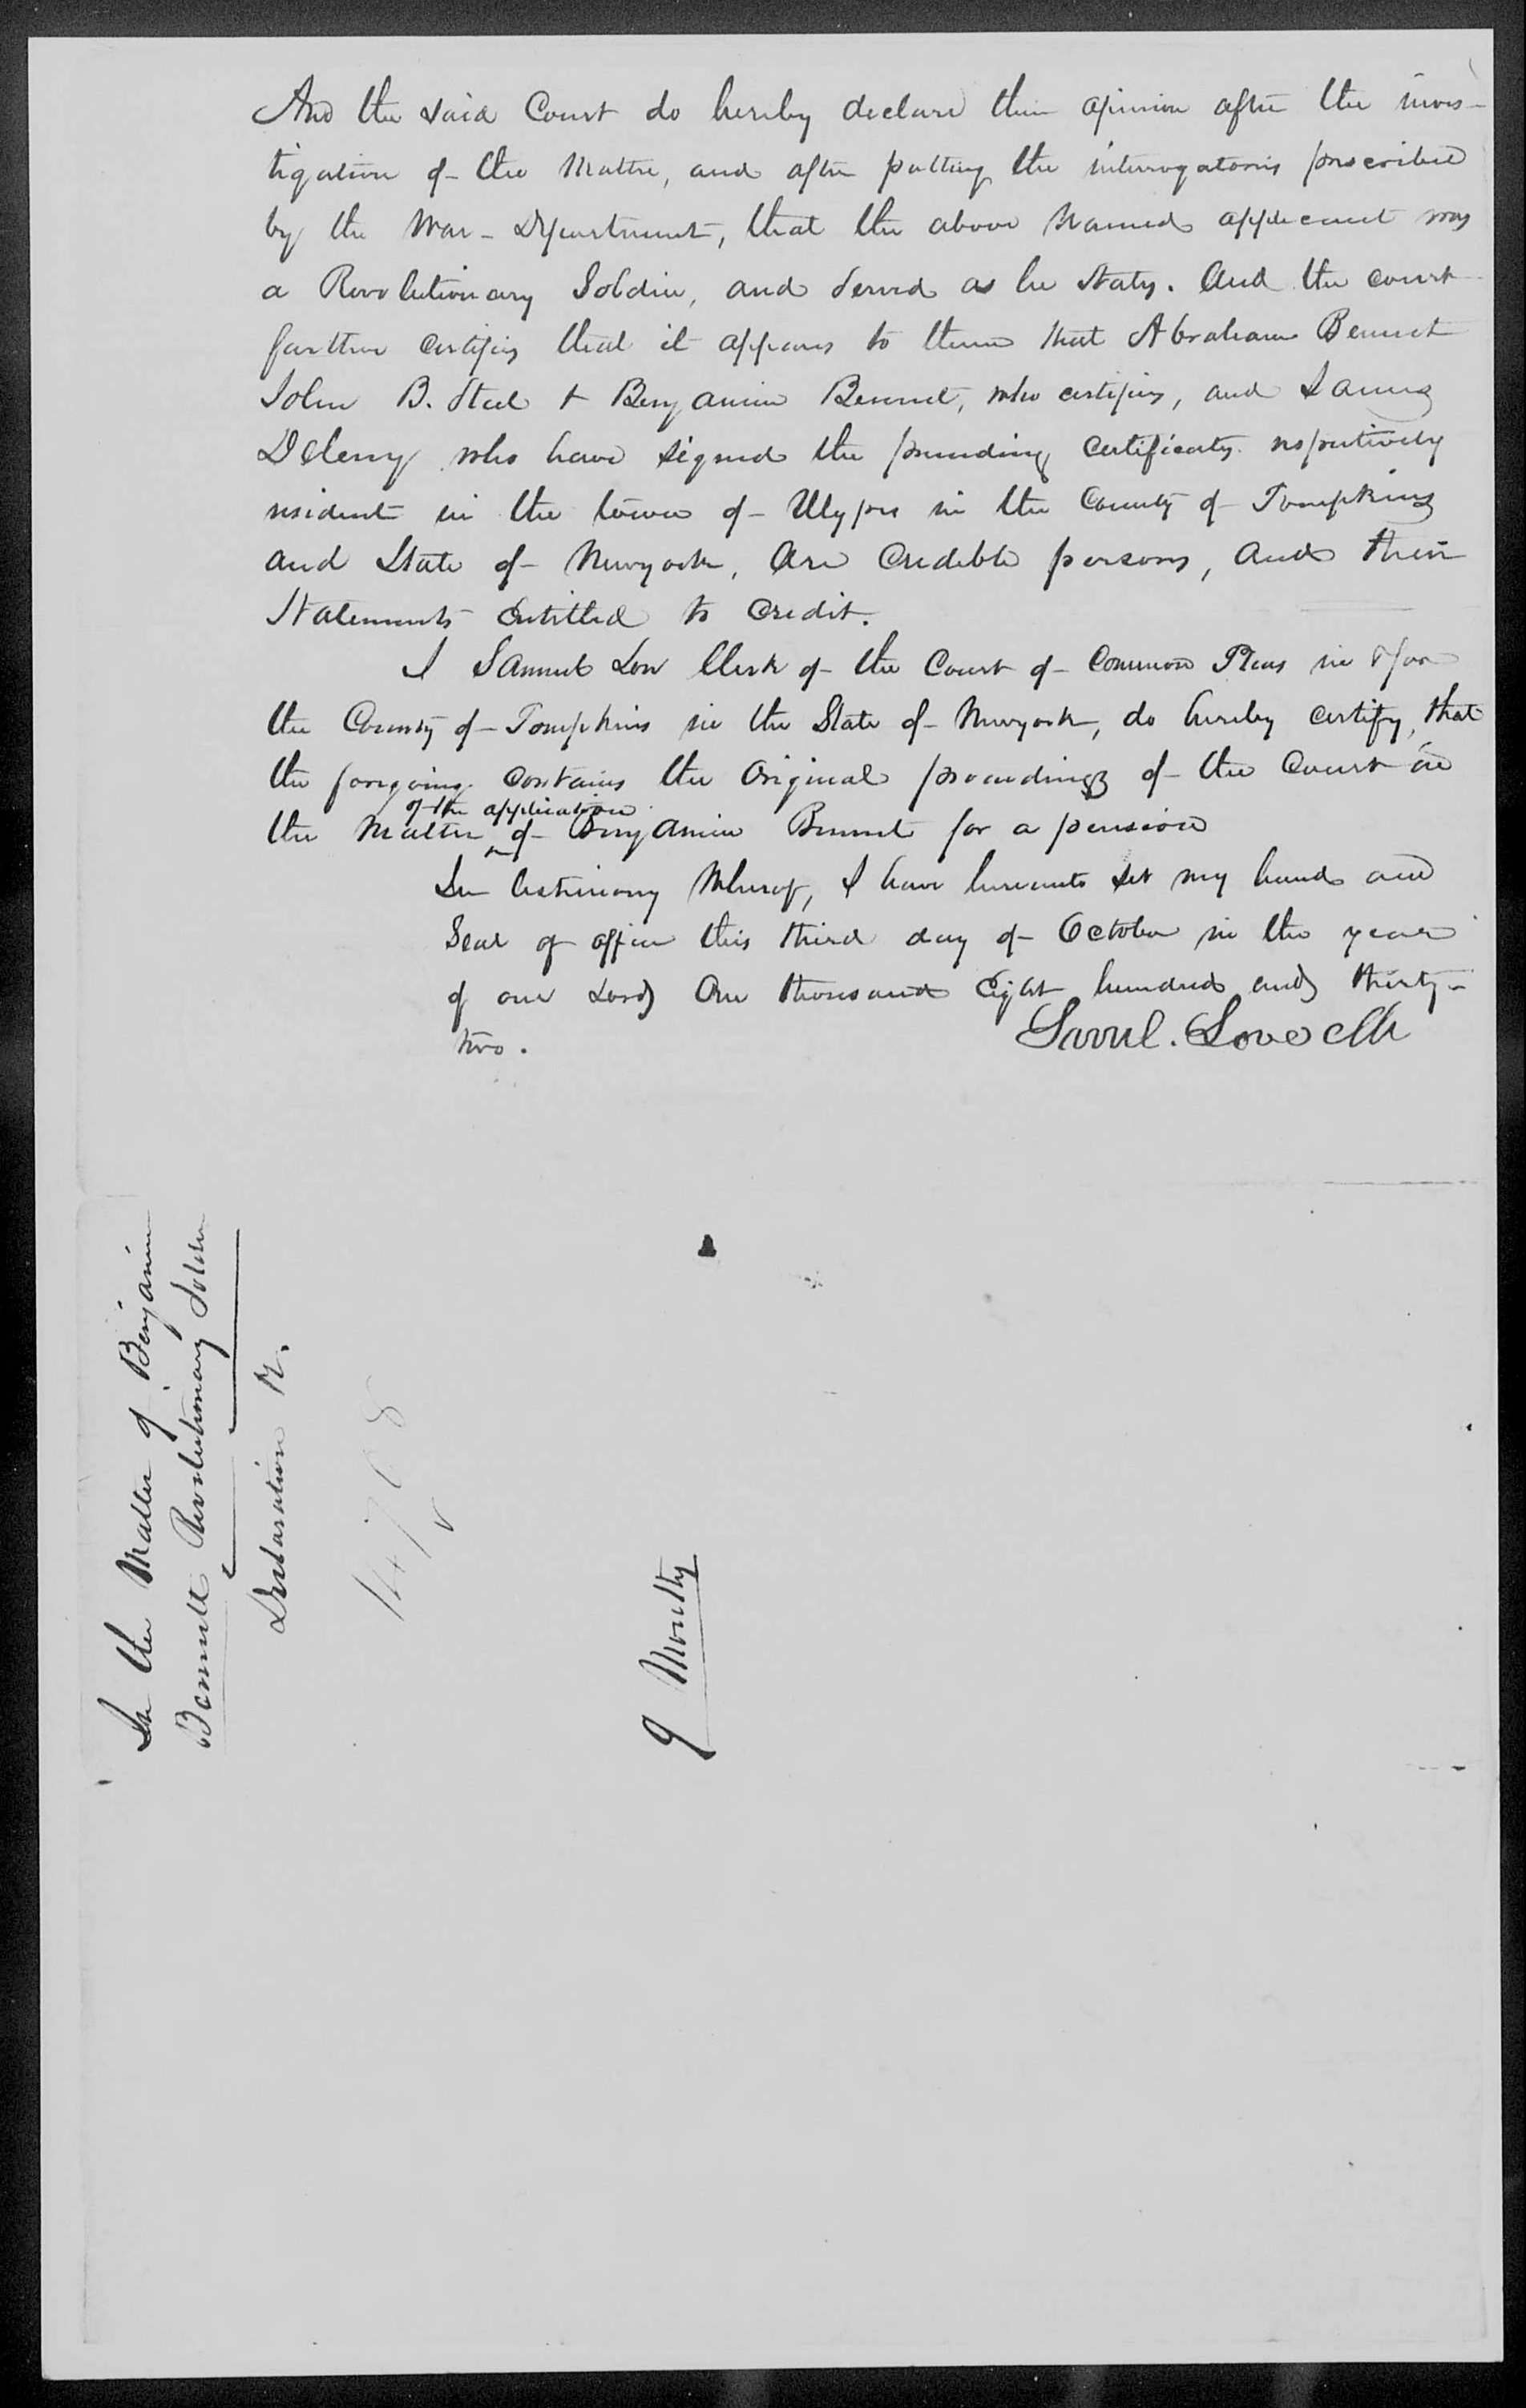And the said Court do hereby declare their opinion after the investigation of the Matter, and after putting the interrogatories prescribed by the War Department, that the above Named applicant was a Revolutionary Soldier, and Served as he states. And the Court further certifies that it appears to them that Abraham Bennet John B. Steel & Benjamin Bennet, who certifies, and James Delaney who have signed the preceding certificates respectively residents in the town of Ulysses in the County of Tompkins and State of Newyork, Are credible persons, and their Statements entitled to credit.

I Samuel Low Clerk of the Court of Common Pleas in for the County of Tompkins in the State of Newyork, do hereby certify, that the foregoing contains the original proceedings of the Court in the matter [of the application -- inserted] of Benjamin Bennet for a pension
In testimony Whereof, I have hereunto set my hand and Seal of office this third day of October in the year of our Lord one thousand Eight hundred and thirty-two.  Saml Low  Clk [signature] 

[written vertically bottom towards top of page in the lower left corner of the age] 
In the matter of Benjamin Bennett Revolutionary Soldier Declaration M. 14708 [check mark] 9 Months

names: John B Steel, Benjamin Bennett, Samuel Law, Saml Loweth, Benjamin Bennet, Benjamin Bennet, James Deleny, Abraham Bennet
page: 7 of 16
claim: survivor's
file: S. 12175, Benjamin Bennett, Penn.